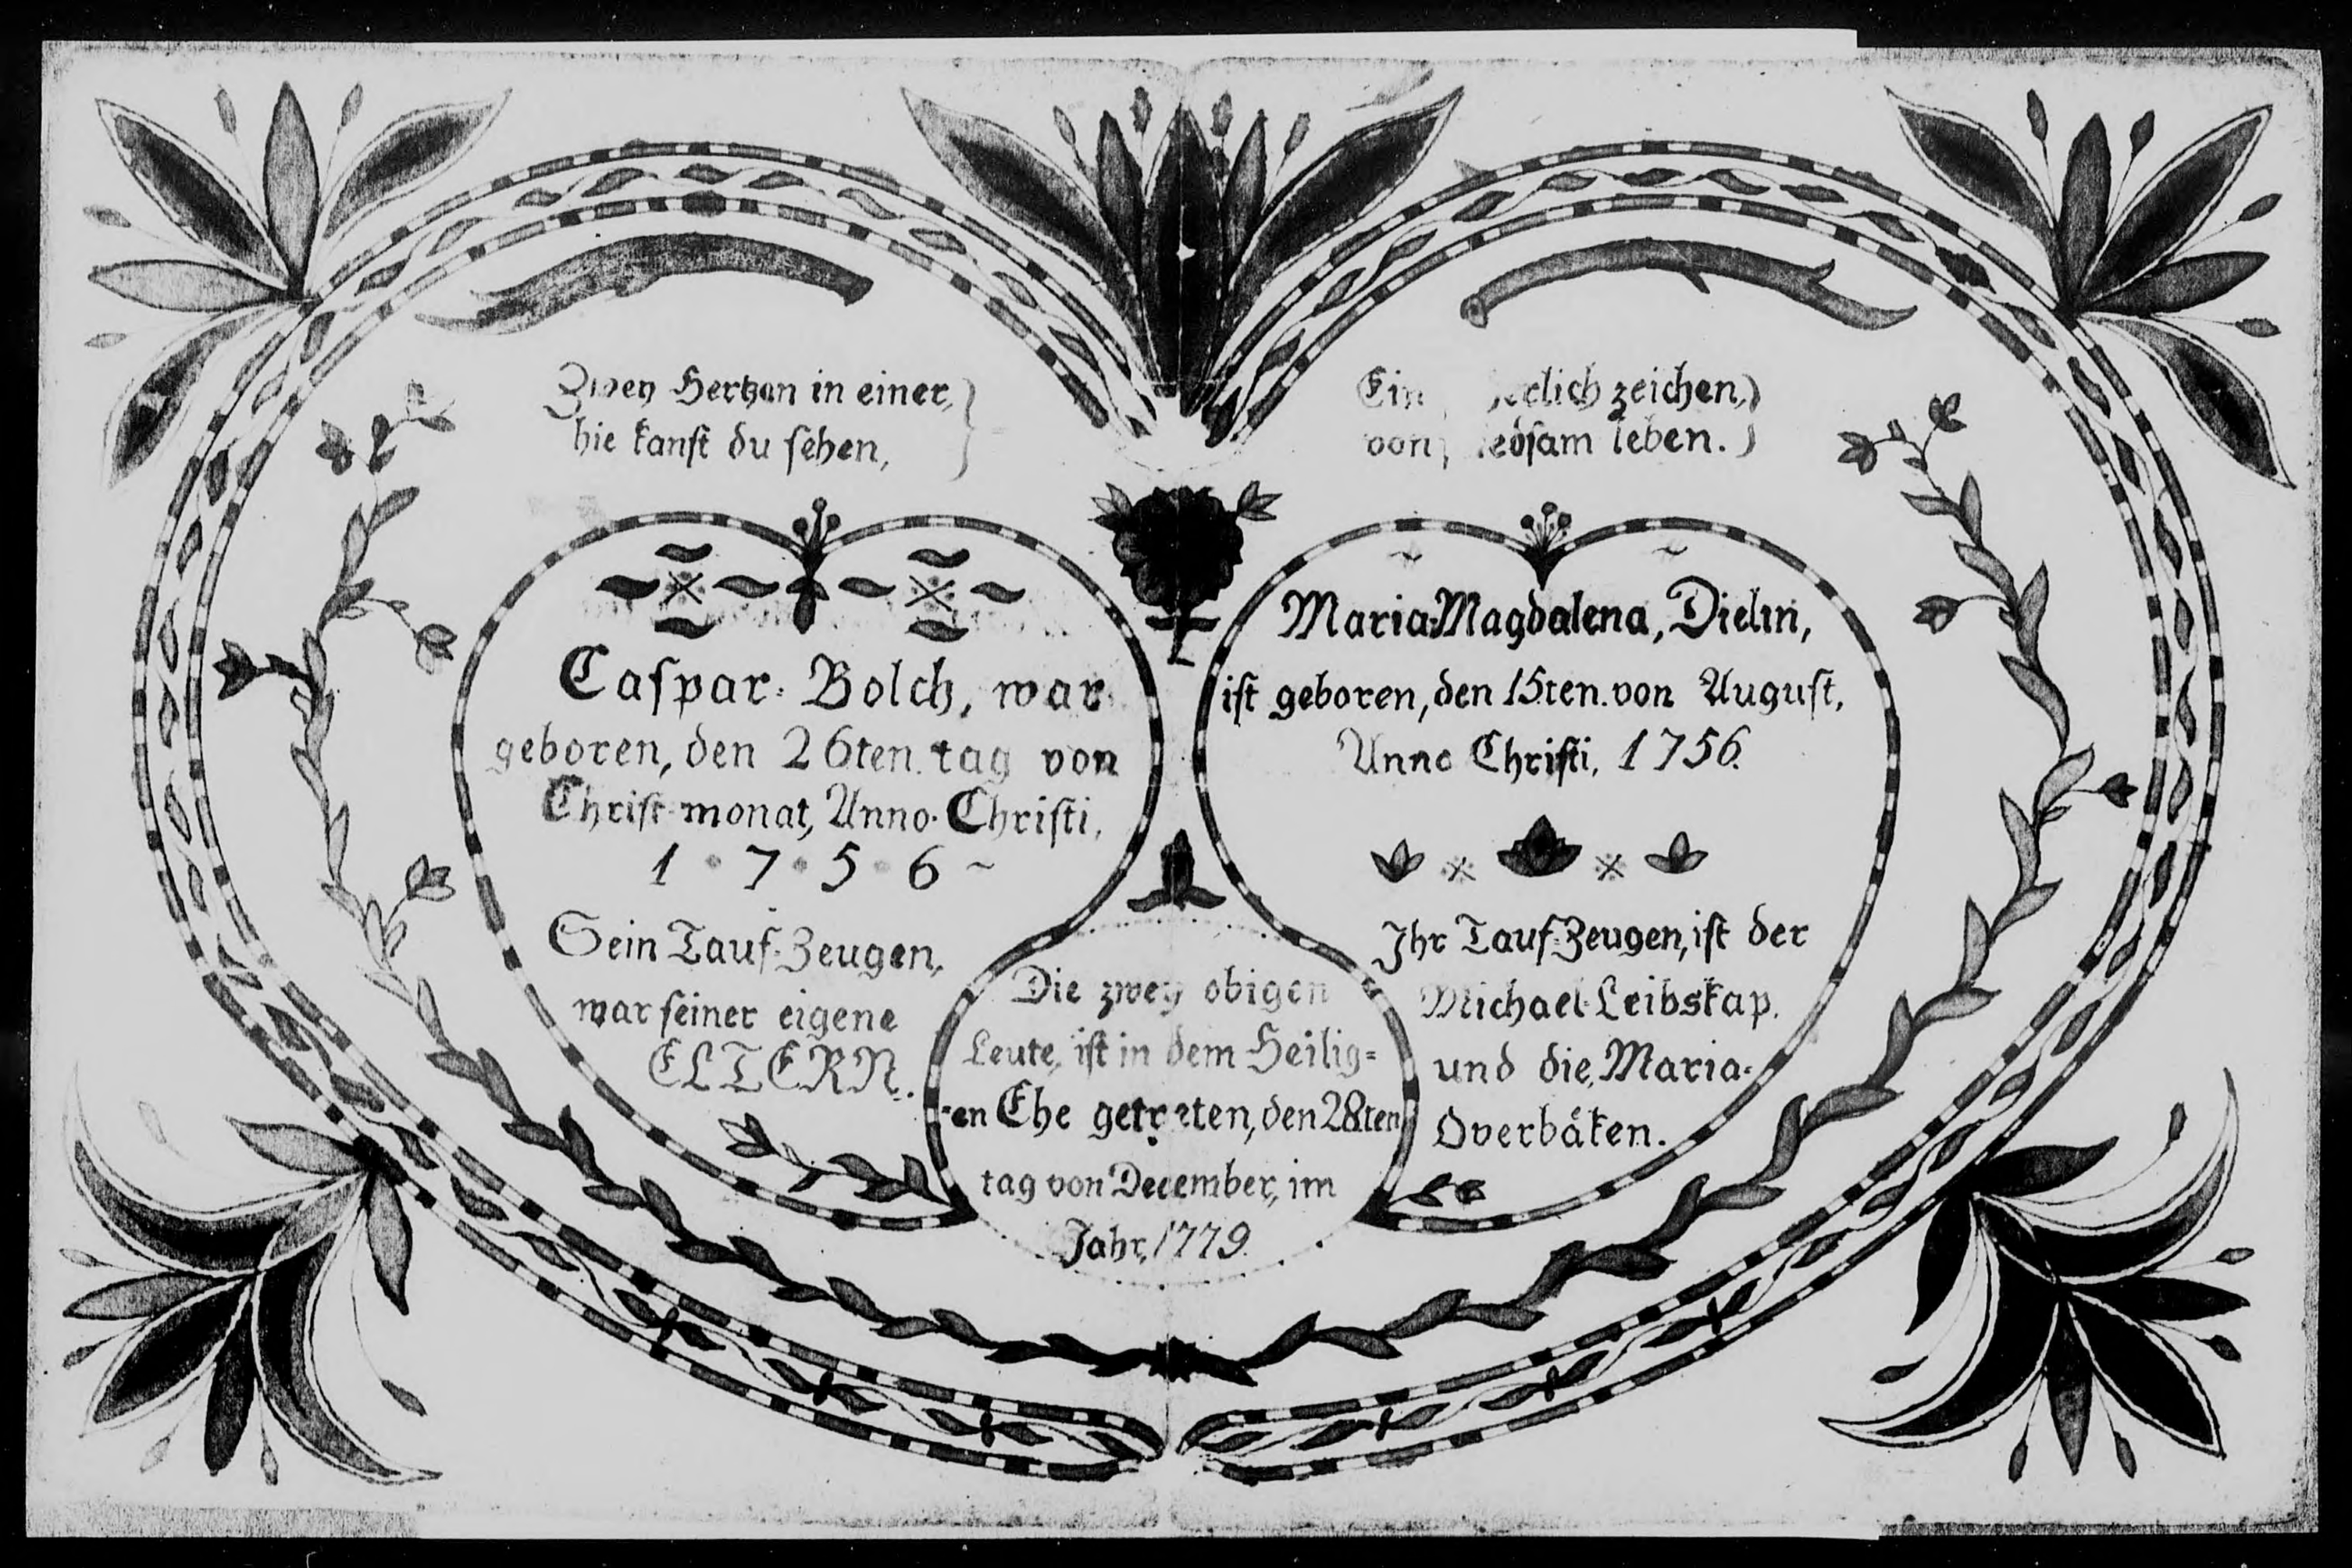[German]
Einen  gerhen in einer hie kanst du sehen
Caspar Bolch, mar geboren, den 26ten tag von Chistmonat, Uno Christi,
1756
Sein Laus zeugen marseiner eigene
ELTERN 
Ein [illegible] lick zeichen. [illegible] ledsam leben.
Maria Magdalena, Dielin ift geboren, den 15ten con Uugust, Unno Christi 
Ihr Lauszeugen, ift der Michael Liegsrap und die Maria Overbaten

Die zwei obifen Leute ift in dem Seilifen The getreten, den 28ten tag von December, im jahr, 1779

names: Caspar Bolch, Maria Magdalena Diehn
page: 15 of 43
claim: widow's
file: W. 18,566, Casper Bolick, N.C.